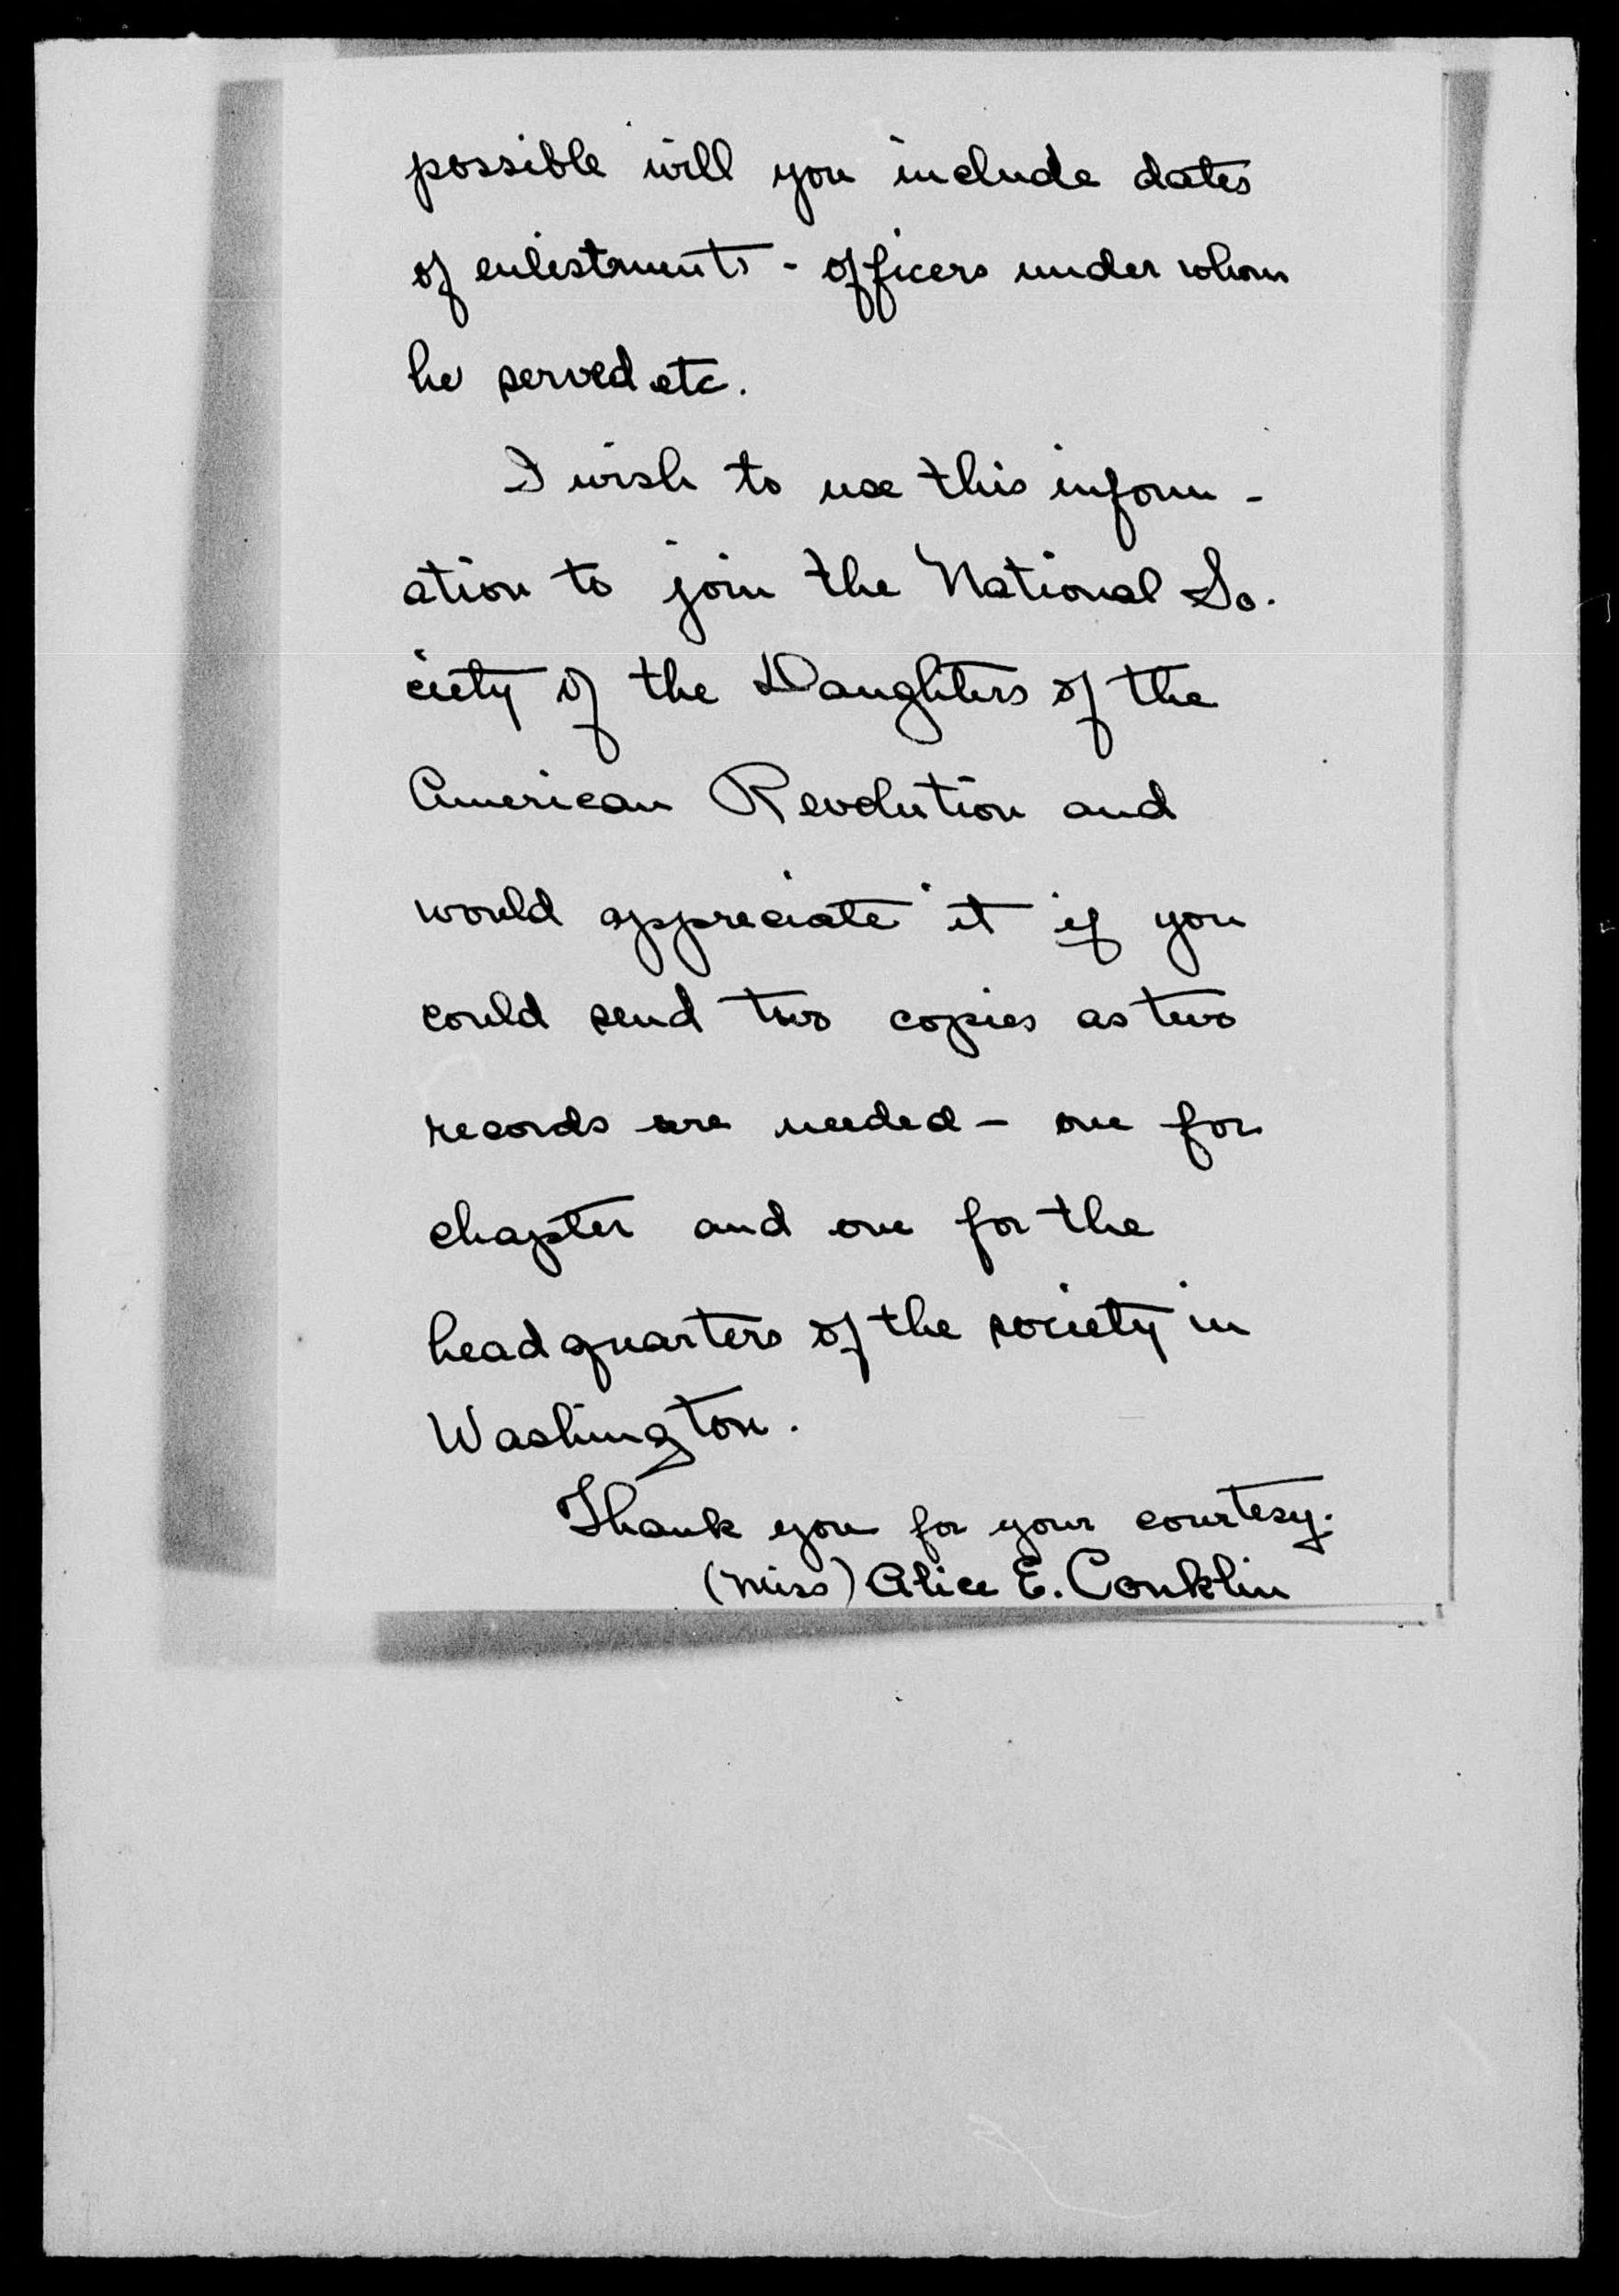possible will you include dates of enlistments - officers under whom he served etc.

I wish to use this information to join the National Society of the Daughters of the American Revolution and would appreciate it if you could send to copies as two records are needed - one for chapter and one for the headquarters of the society in Washington.

Thank you for your courtesy
(Miss) Alice E. Conklin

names: Alice E Conklin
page: 29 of 43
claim: widow's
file: W. 17,647, Aaron Comstock, Conn.